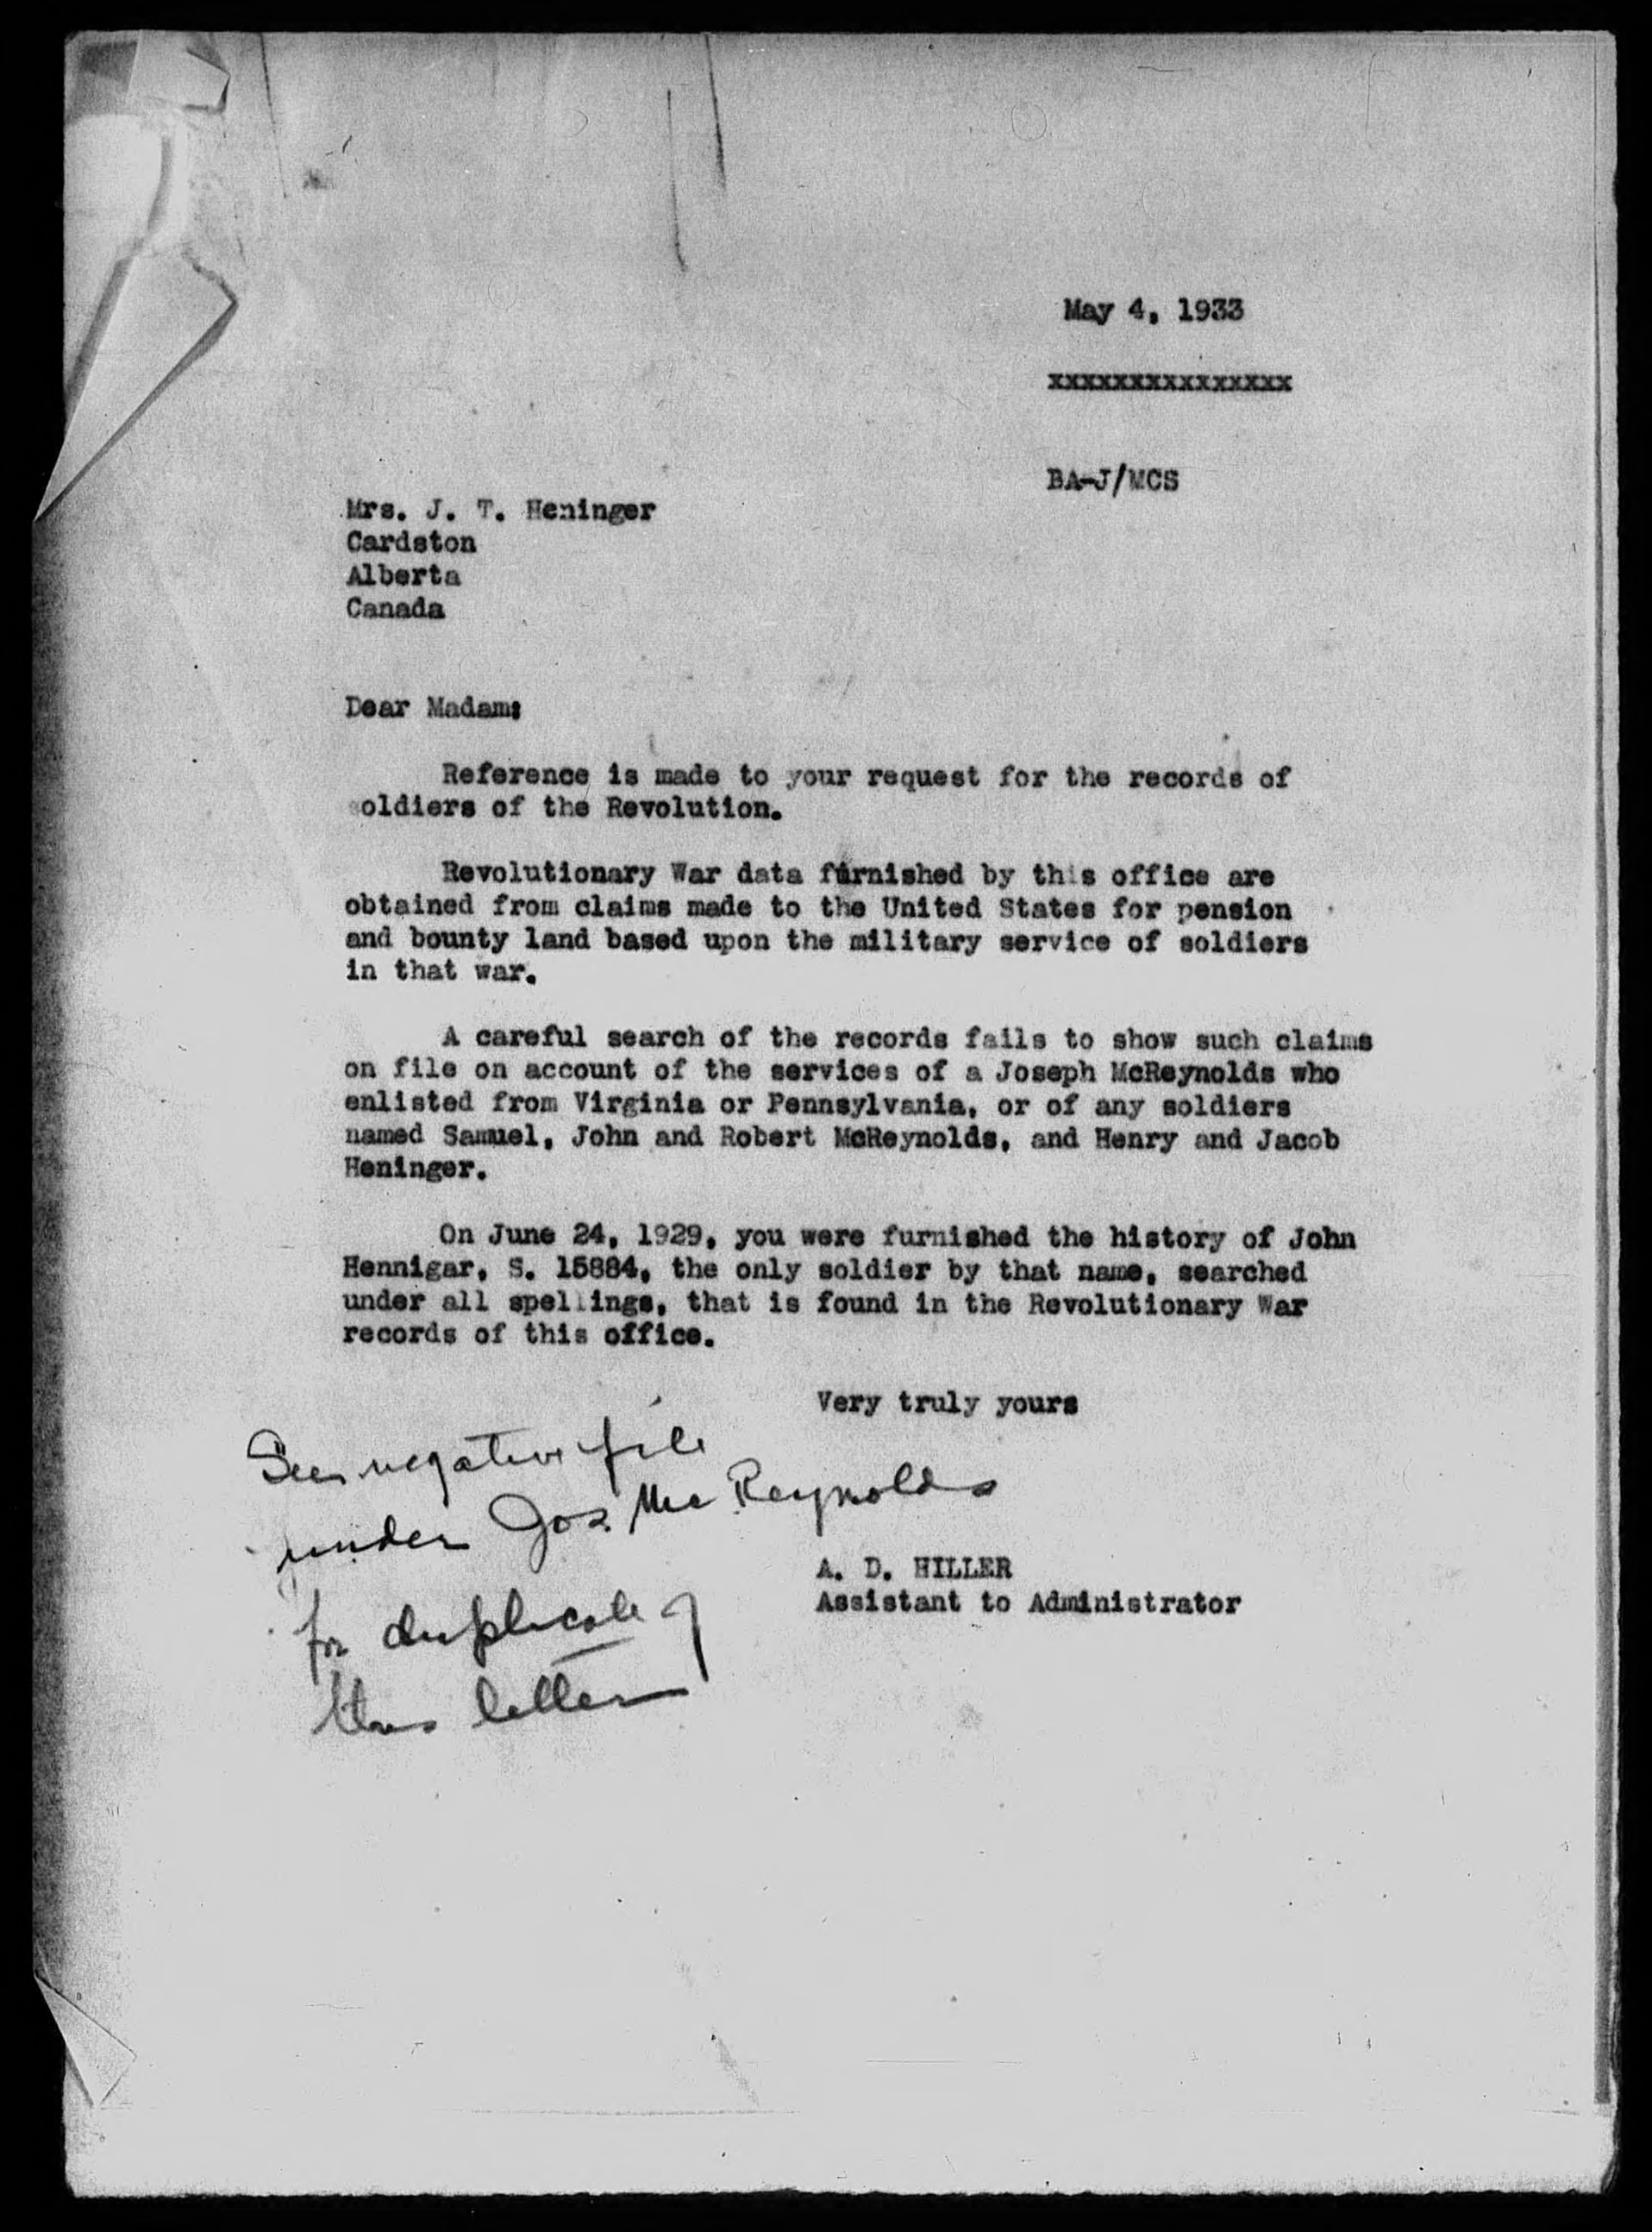Mary 4, 1933

BA-J/MCS

Mrs. J.T. Heninger
Cardston
Alberta
Canada

Dear Madam:

Reference is made to your request for the records of soldiers of the revolution.

Revolutionary war data furnished by this office are obtained from claims made to the United States for pension and bounty land based upon the military service of soldiers in that war.

A careful search of the records fails to show such claims on file on account of the services of a Joseph McReynolds who enlisted from Virginia or Pennsylvania or of any soldiers named Samuel, John and Robert McReynolds, and Henry and Jacob Heniger.

On June 24, 1929, you were furnished the history of John Hennigar S.15884 the only soldier by that name, searched under all spellings that is found in the revolutionary war records of this office.

Very truly yours

A.D. Hiller
Assistant to Administrator

See negative file under Jos. McReynolds for duplicate of this letter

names: Jos Mc Reynolds, Joseph Mc Reynolds, John Mc Reynolds, Robert Mc Reynolds, Henry Heninger, Jacob Heninger, Samuel Mc Reynolds, John Hennigar, J T Heninger, A D Hiller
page: 18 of 18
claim: survivor's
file: S. 15,884, John Hennigar, Md.